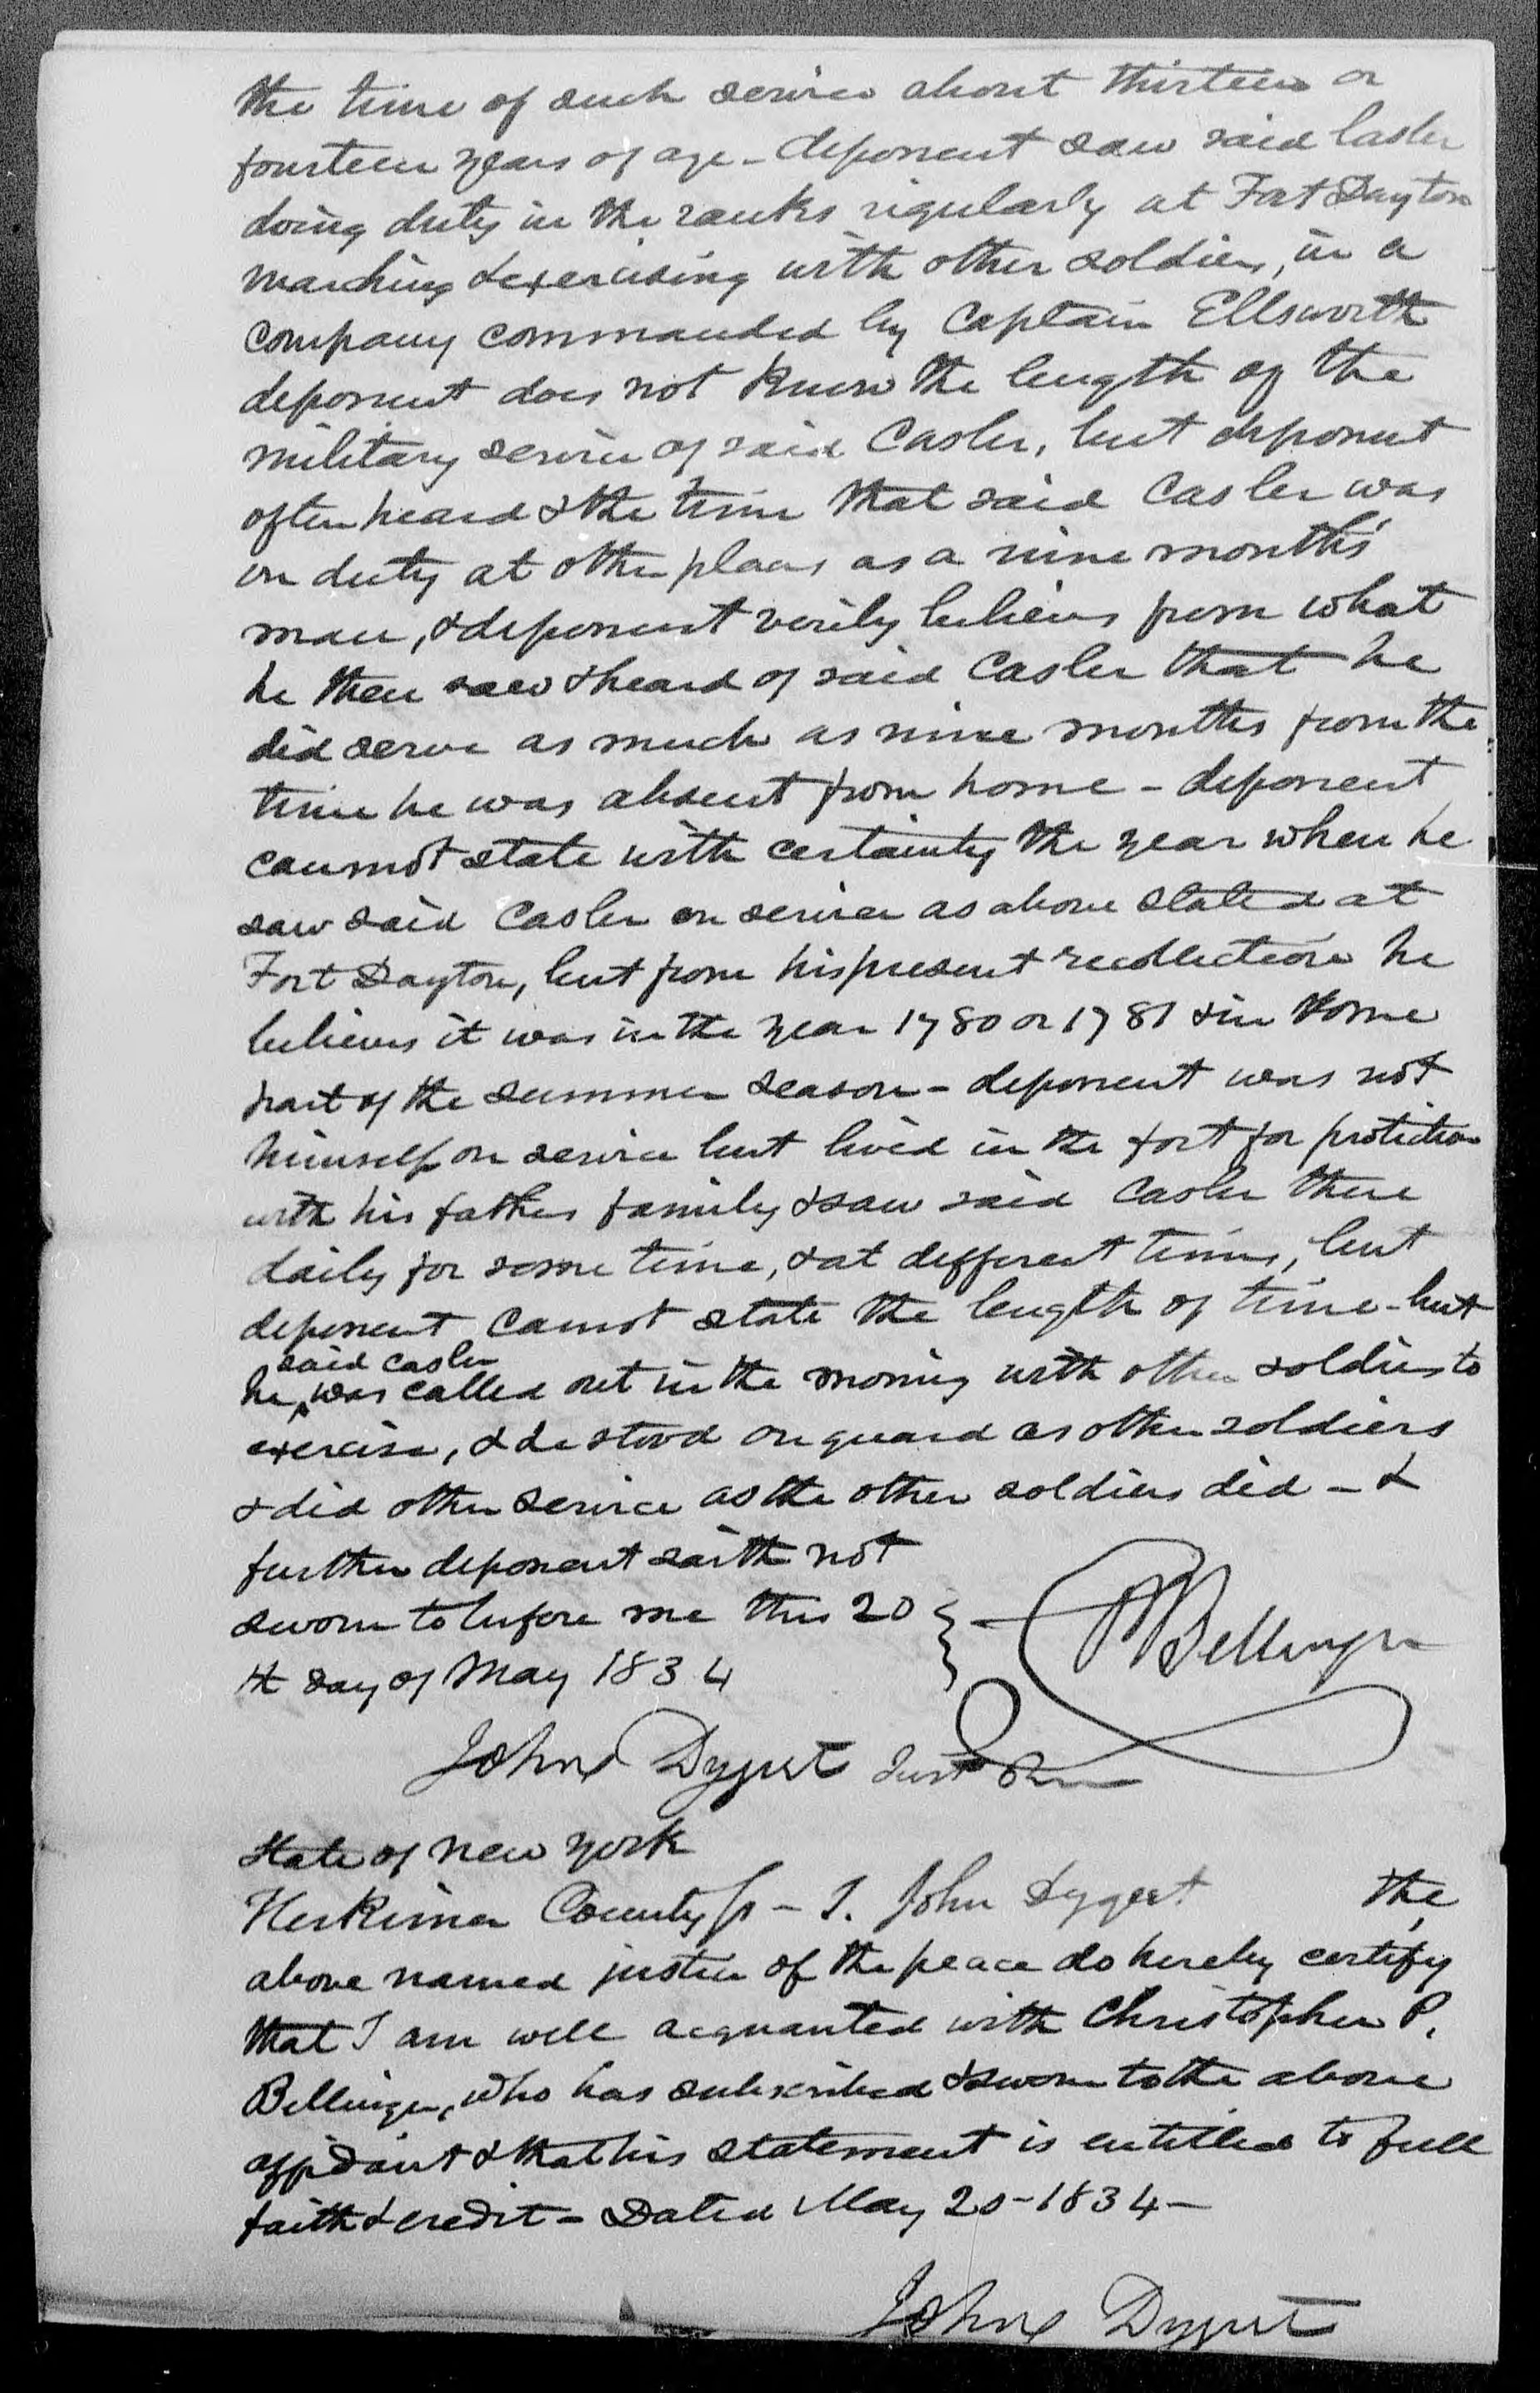the time of such service about thirteen or fourteen years of age - deponent saw said Casler doing duty in the ranks regularly at Fort Dayton marching & exercising with other soldiesr, in a company commanded by Captain Ellsworth deponent does not know the length of the military service of said Casler, but deponent often heard & the time that said Casler was on duty at other places as a nine month’s man, & deponent verily believes from what he then saw & heard of said Casler that he did serve as much as nine months from the time he was absent from home - deponent cannot state with certainty the year when he saw said Casler on service as above stated at Fort Dayton, but from his present recollection he believes it was in the year 1780 or 1781 & in some part of the summer season - deponent was not himself on service but lived in the fort for protection with his fathers family & saw said Casler there daily for some time, & at different times, but deponent cannot state the length of time - but he said Casler called out in the morning with other soldiers to exercise, & he stood on guard as other soldiers & did other service as the other soldiers did - & further deponent saith not 
[signed] C P Bellinger
sworn to before me this 20th day of May 1834 
[signed] John Dygert Just Peace

State of New York 
Herkimer County ss - I John Dygert the above named justice of the peace do hereby certify that I am well acquainted with Christopher P. Bellinger, who has subscribed & sworn to the above affidavit & that his statement is entitled to full faith & credit - Dated May 20 -1834 – 
[signed] John Dygert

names: Casler, John Dygert, Casler, Casler, Ellsworth, C P Bellinger, Casler, John Dygert, Casler, John Dygert, Christopher P Bellinger, Casler, Casler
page: 56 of 66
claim: widow's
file: W. 6637, Richard Caslar, New York